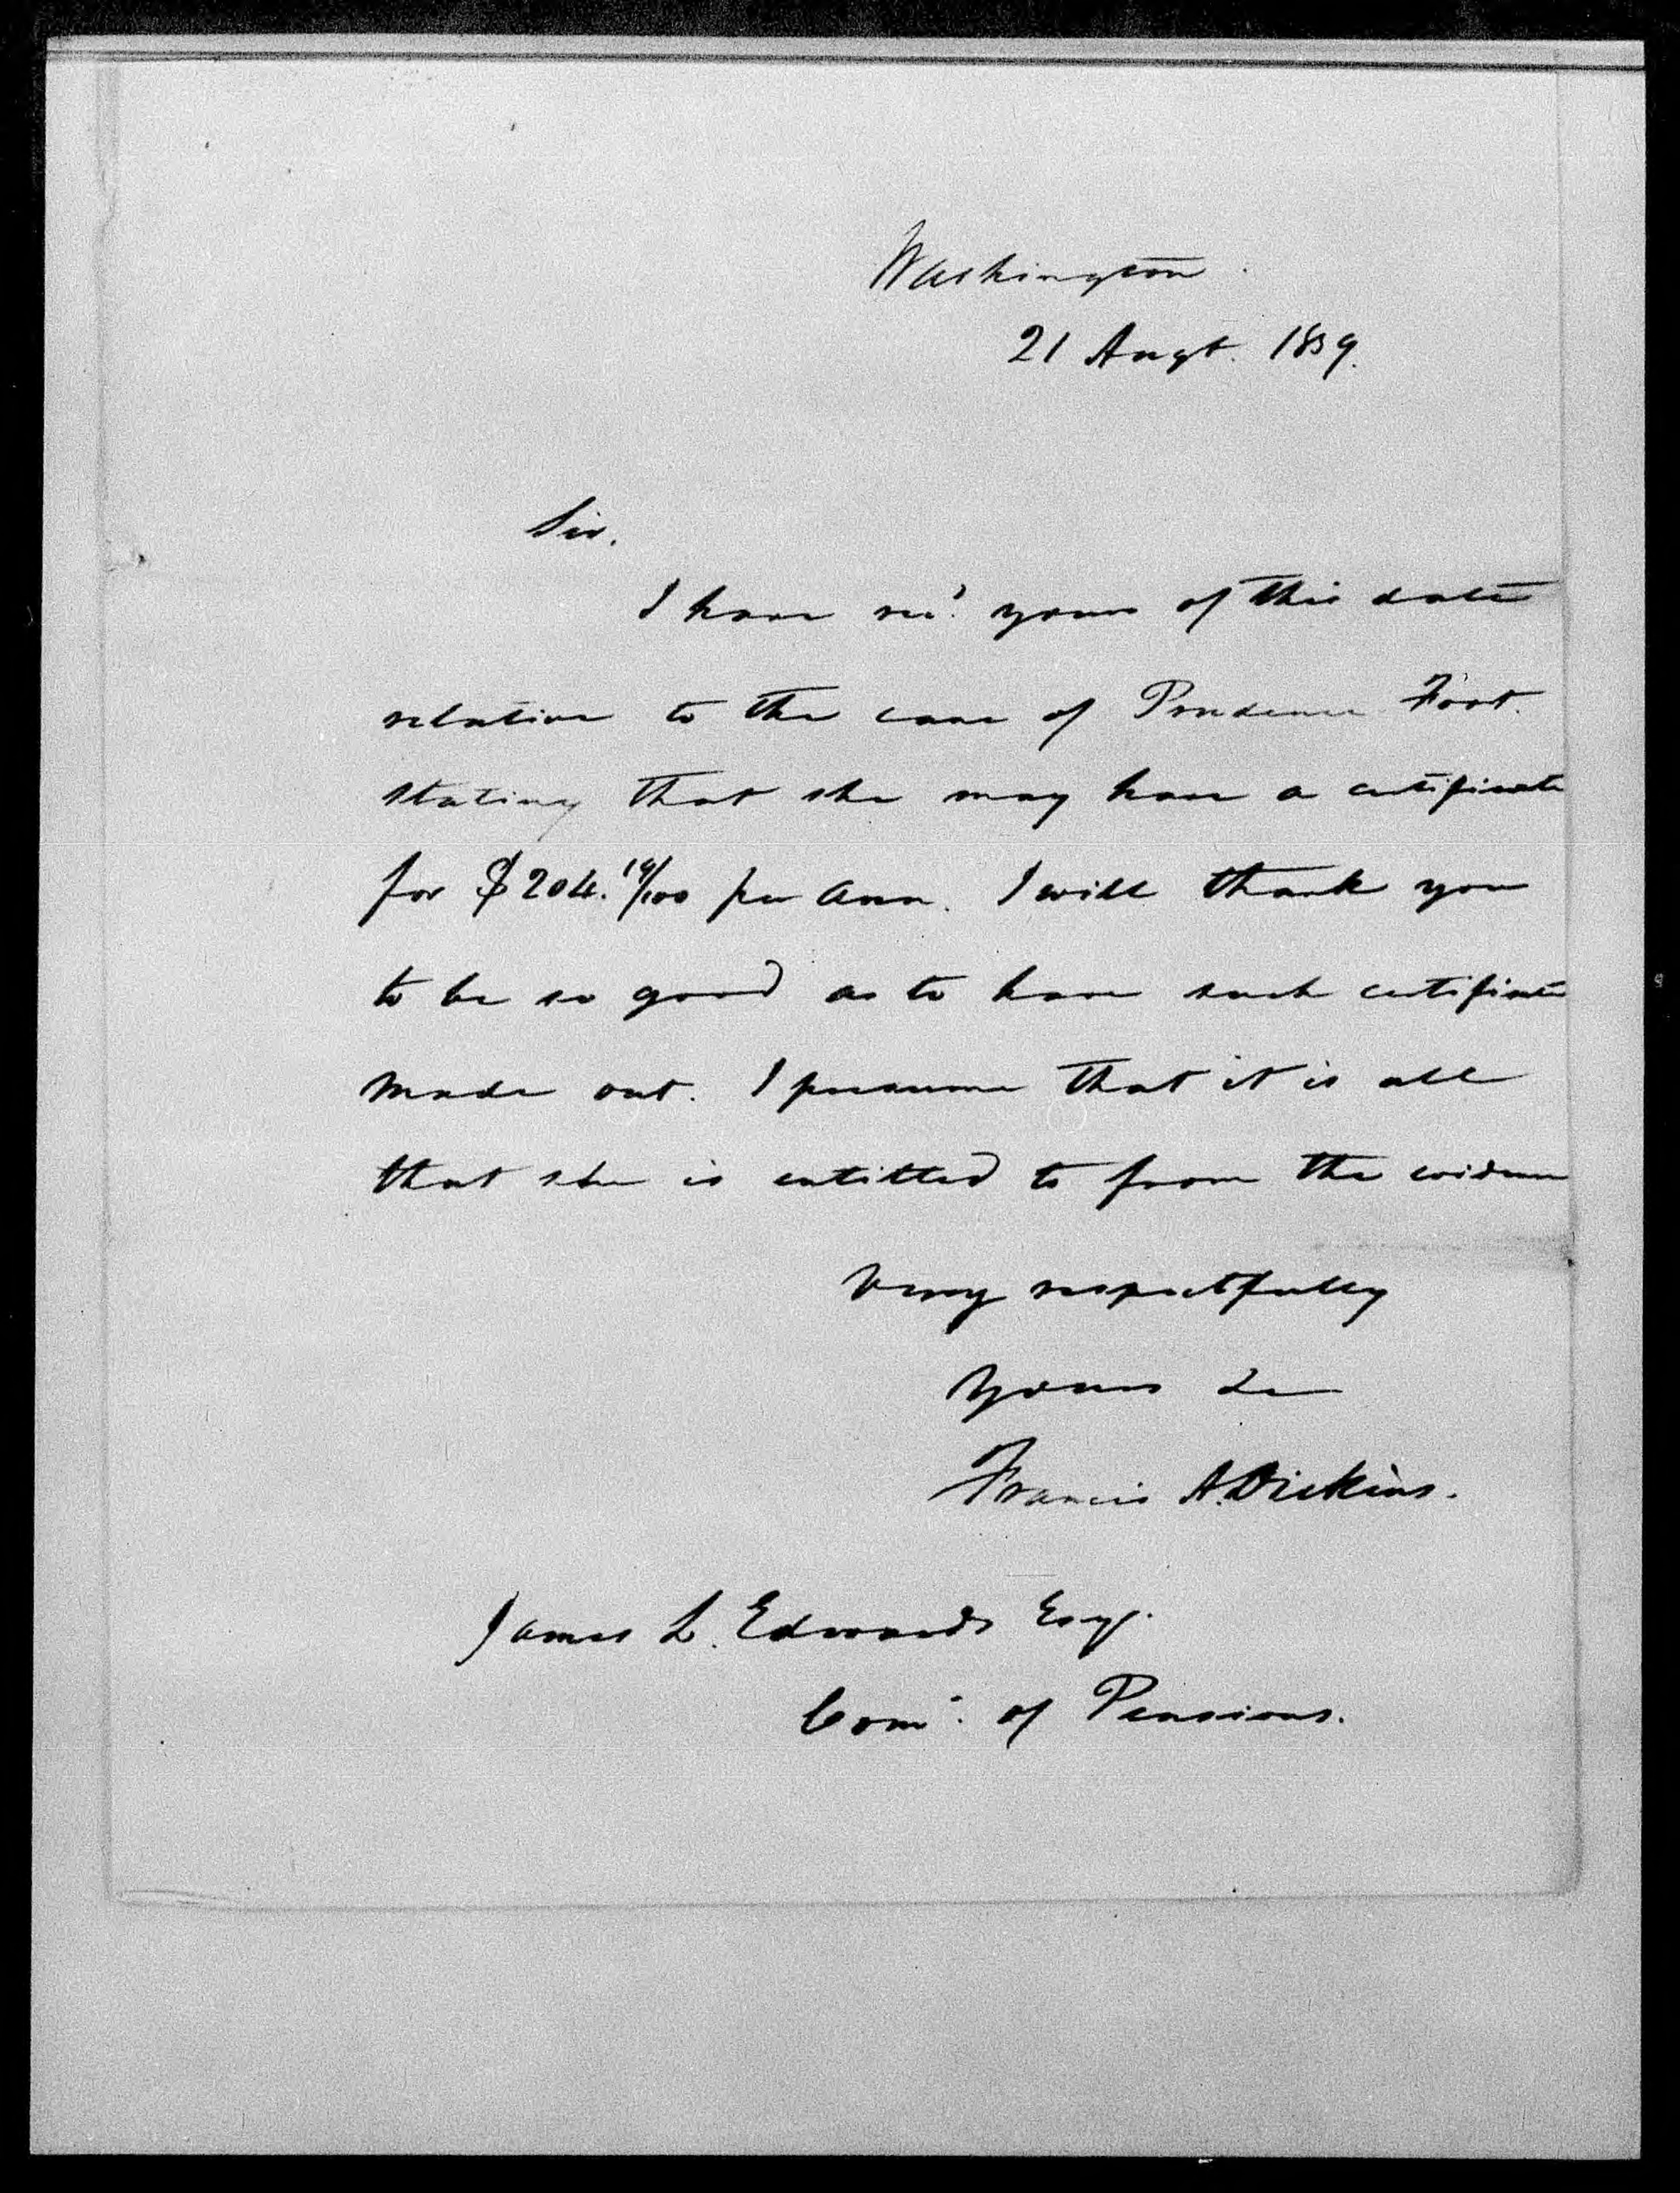Washington. 
21 Augt. 1839.
Sir,

I have rec'd. yours of this date relative to the case of Prudence Foot stating that she may have a certificate for $204.19/100 per ann. I will thank you to be so good as to have such certificate made out. I presume that it is all that she is entitled to from the evidence
Very respectfully
Yours tr
Francis A. Dickens.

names: Francis A Dickins; Prudence Foot; James L Edwards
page: 33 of 60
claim: widow's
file: W. 14,036, for James Knowles, Connecticut